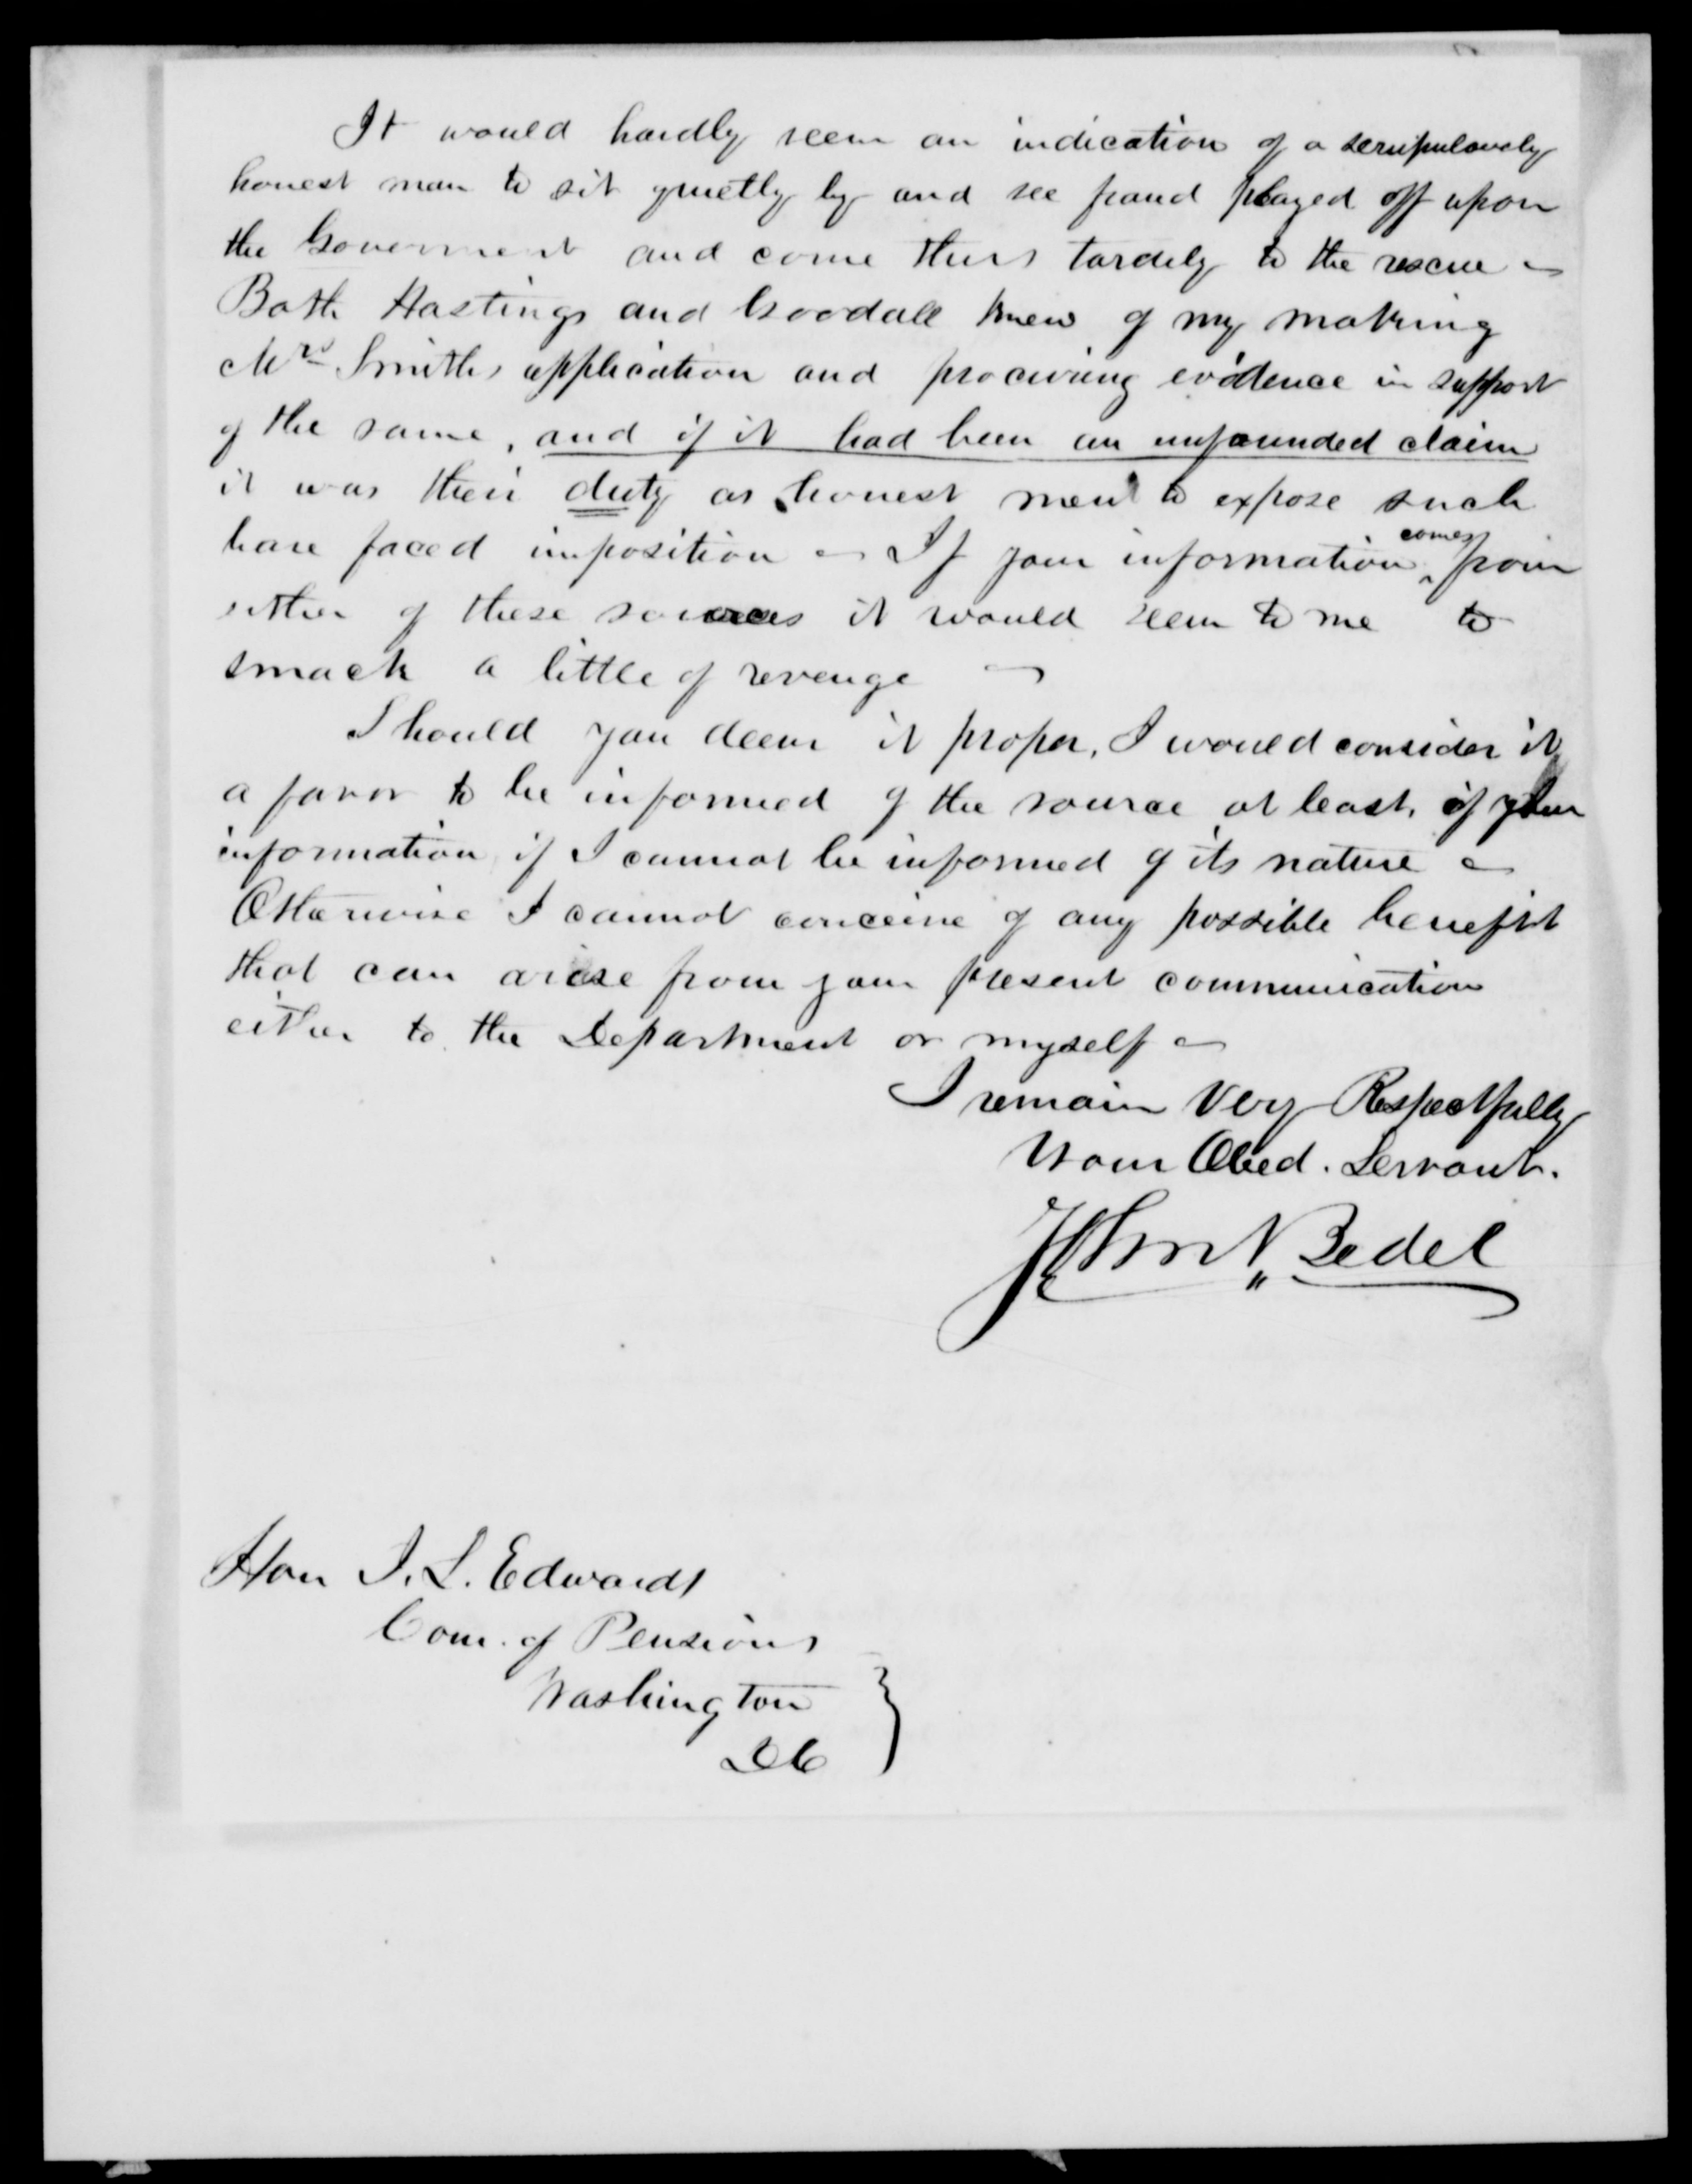It would hardly seen an indication of a scrupulously
honest man to sit quietly by and see fraud played off upon
the Government and come thus tardily to the rescue-
Both Hastings and Goodall knew of my making
Mrs Smiths application and procuring evidence in support
of the same, and if it had been an unfounded claim
it was their duty as honest men to expose such
bare faced imposition. If your information comes from
either of these sources it would seem to me to
smack a little of revenge
Should you deem it proper, I would consider it
a favor to be informed of the source at least of your
information, if I cannot be informed of its nature
Otherwise I cannot conceive of any possible benefit
that can arise from your present communication
either to the Department or myself-
I remain Very Respectfully
Your Obed Servant
John Bedel
Hon J.L. Edwards
Com of Pensions
Washington
D C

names: Smith, J L Edwards, John Bedel, Goodall, Hastings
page: 58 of 78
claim: widow's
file: W. 25856, Samuel Way, N.H.